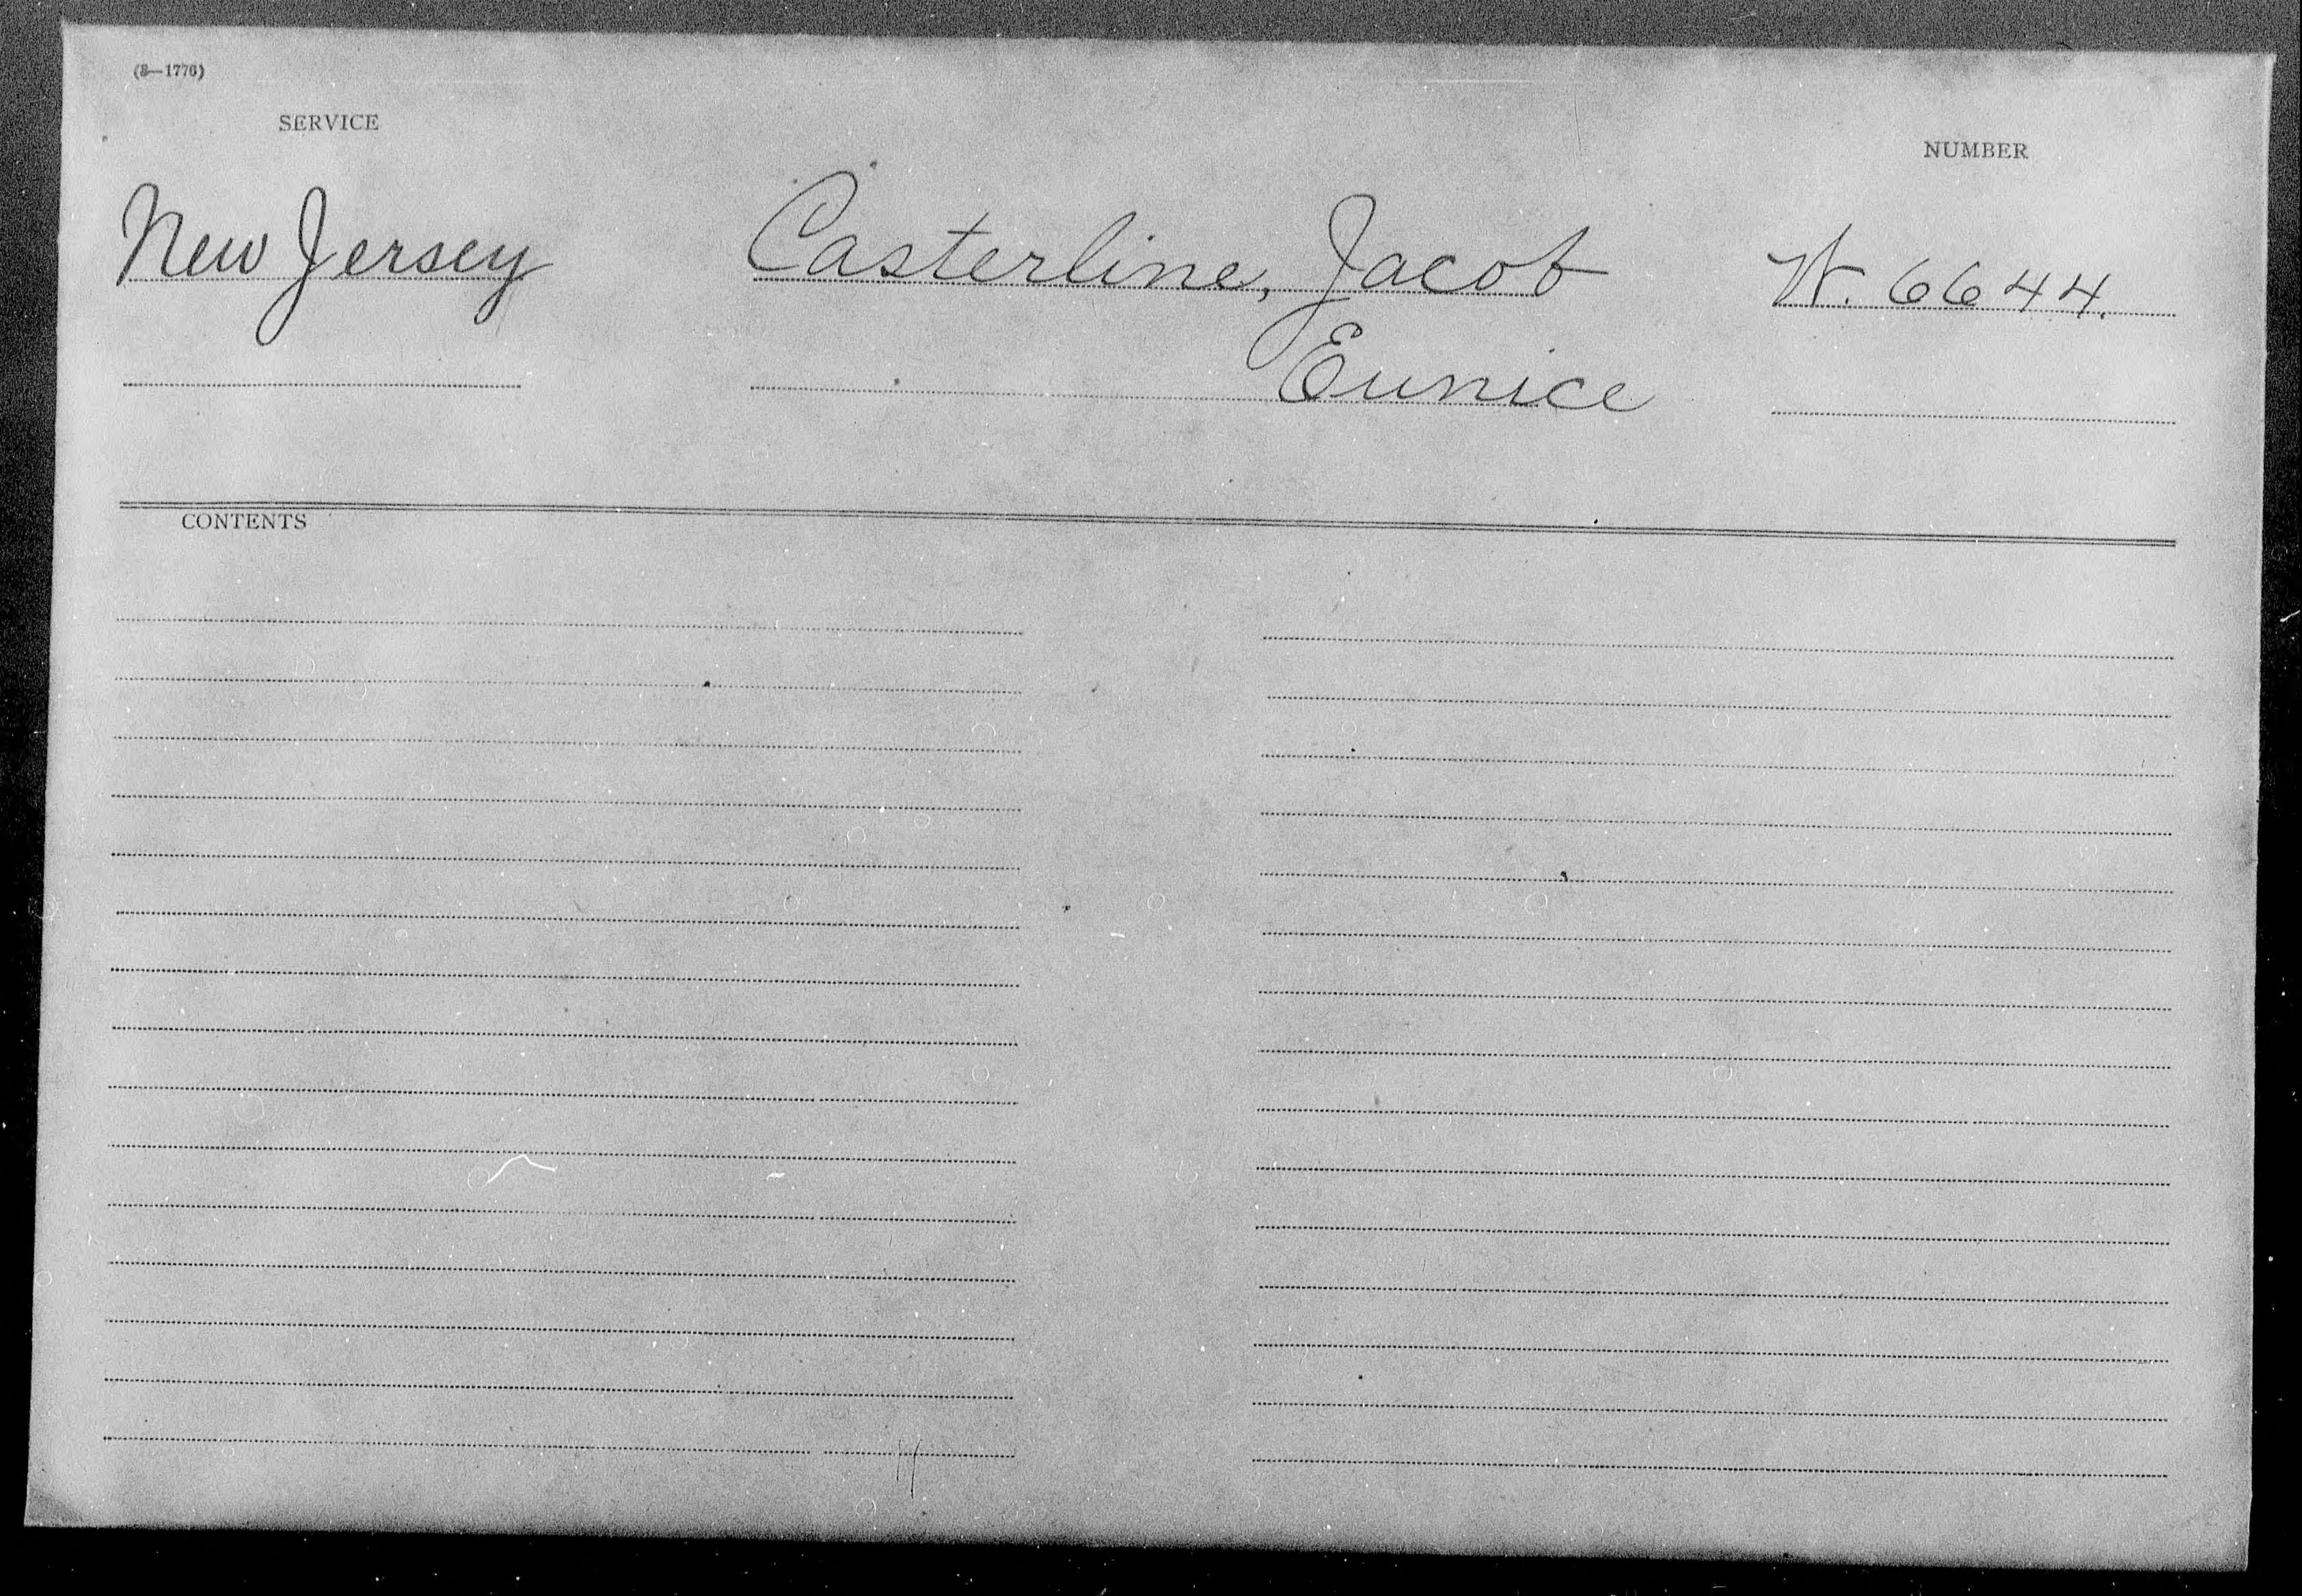New Jersey

Casterline, Jacob
Eunice

Number W. 6644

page: 1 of 38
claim: widow's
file: W. 6644, Jacob Casterline, New Jersey